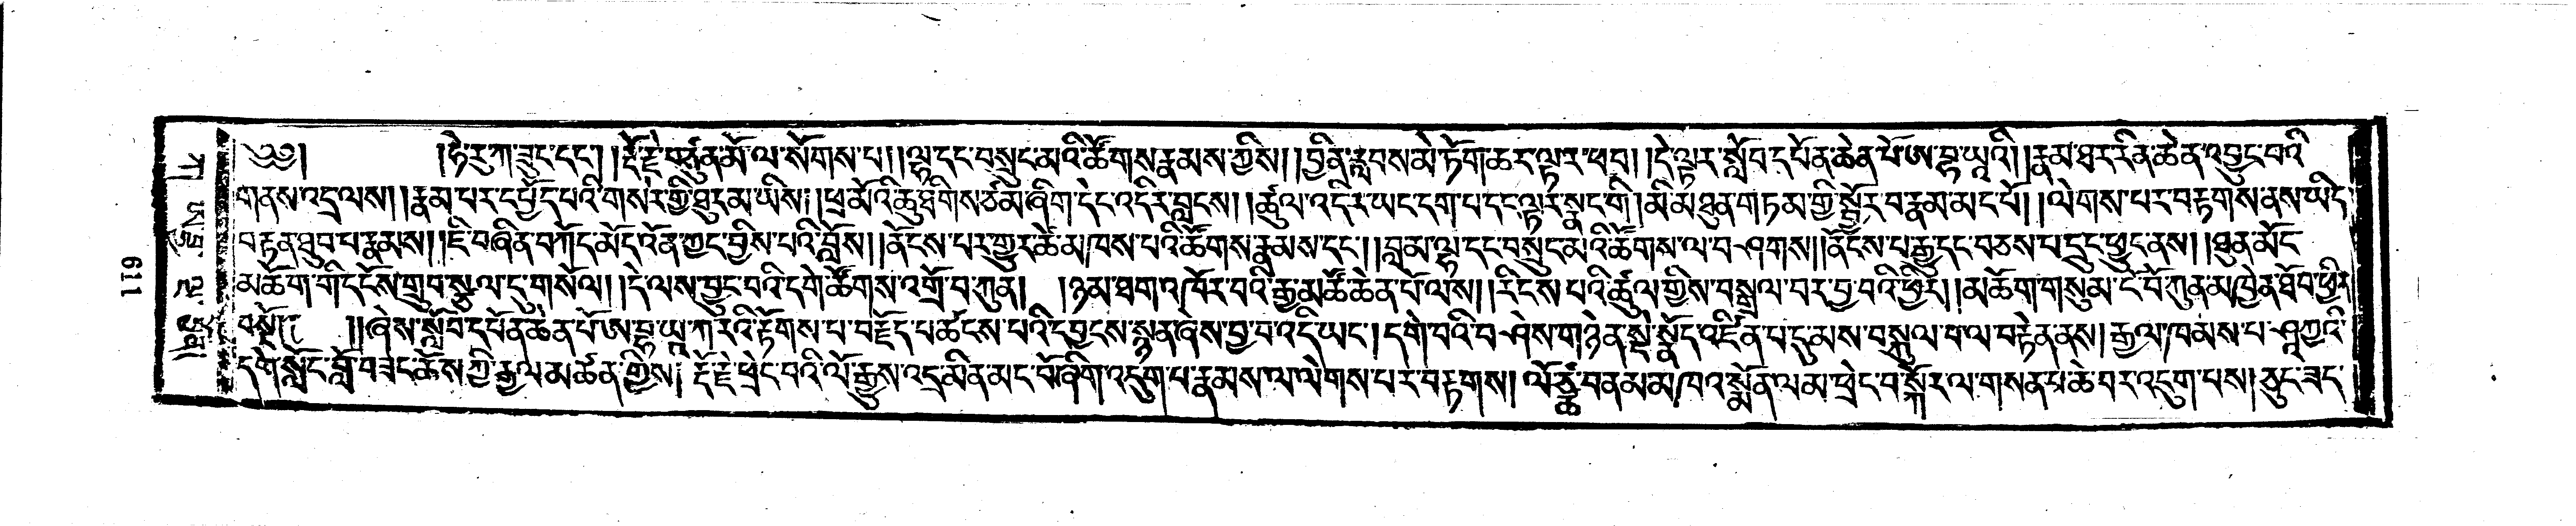༄༅། །ཧེ་རུ་ཀ་ཟུང་དང་། །རྡོ་རྗེ་བཙུན་མོ་ལ་སོགས་པ། །ལྷ་དང་བསྲུང་མའི་ཚོགས་རྣམས་ཀྱིས། །བྱིན་རླབས་མེ་ཏོག་ཆར་ལྟར་ཕབ། །དེ་ལྟར་སློབ་དཔོན་ཆེན་པོ་ཨ་བྷ་ཡཱའི། །རྣམ་ཐར་རིན་ཆེན་འབྱུང་བའི་
གནས་འདྲ་ལས། །རྣམ་པར་དཔྱོད་པའི་གསེར་གྱི་ཐུར་མ་ཡིས། །ཕྲ་མོའི་ཆུ་ཐིགས་ཙམ་ཞིག་དེང་འདིར་བླངས། །ཚུལ་འདིར་ཡང་དག་པ་དང་ལྟར་སྣང་གི །མི་མཐུན་གཏམ་གྱི་སྦྱོར་བ་རྣམ་མང་པོ། །ལེགས་པར་བརྟགས་ནས་ཡིད་
བརྟན་ཐུབ་པ་རྣམས། །ཇི་བཞིན་བཀོད་མོད་འོན་ཀྱང་བྱིས་པའི་བློས། །ནངས་པར་གྱུར་ཚེ་མཁས་པའི་ཚོགས་རྣམས་དང་། །བླ་མ་ལྷ་དང་བསྲུང་མའི་ཚོགས་ལ་བཤགས། །ནོངས་པ་རྒྱུ་དང་བཅས་པ་དྲུང་ཕྱུང་ནས། །ཐུན་མོང་
མཆོག་གི་དངོས་གྲུབ་སྩལ་དུ་གསོལ། །དེ་ལས་བྱུང་བའི་དགེ་ཚོགས་འགྲོ་བ་ཀུན། །ཉམ་ཐག་འཁོར་བའི་རྒྱ་མཚོ་ཆེན་པོ་ལས། །རིངས་པའི་ཚུལ་གྱིས་བསྒྲལ་བར་བྱ་བའི་ཕྱིར། །མཆོག་གསུམ་ངོ་བོ་ཀུན་མཁྱེན་ཐོབ་ཕྱིར་
བསྔོ༑༑ །།ཞེས་སློབ་དཔོན་ཆེན་པོ་ཨ་བྷ་ཡཱ་ཀ་རའི་རྟོགས་པ་བརྗོད་པ་ཚངས་པའི་དབྱངས་སྙན་ཞེས་བྱ་བ་འདི་ཡང་། དགེ་བའི་བཤེས་གཉེན་སྡེ་སྣོད་འཛིན་པ་དུ་མས་བསྐྲུལ་བ་ལ་བརྟེན་ནས། རྒྱལ་ཁམས་པ་ཤཱཀྱའི་
དགེ་སློང་བློ་བཟང་ཆོས་ཀྱི་རྒྱལ་མཚན་གྱིས། རྡོ་རྗེ་ཕྲེང་བའི་ལོ་རྒྱུས་འདྲ་མིན་མང་པོ་ཞིག་འདུག་པ་རྣམས་ལ་ལེགས་པར་བརྟགས། ལོ་ཙྪ་བ་ནམ་མཁའ་སྨོན་ལམ་ཕྲེང་བསྐོར་ལ་གསན་པ་ཆེ་བར་འདུག་པས། ཅུང་ཟད་